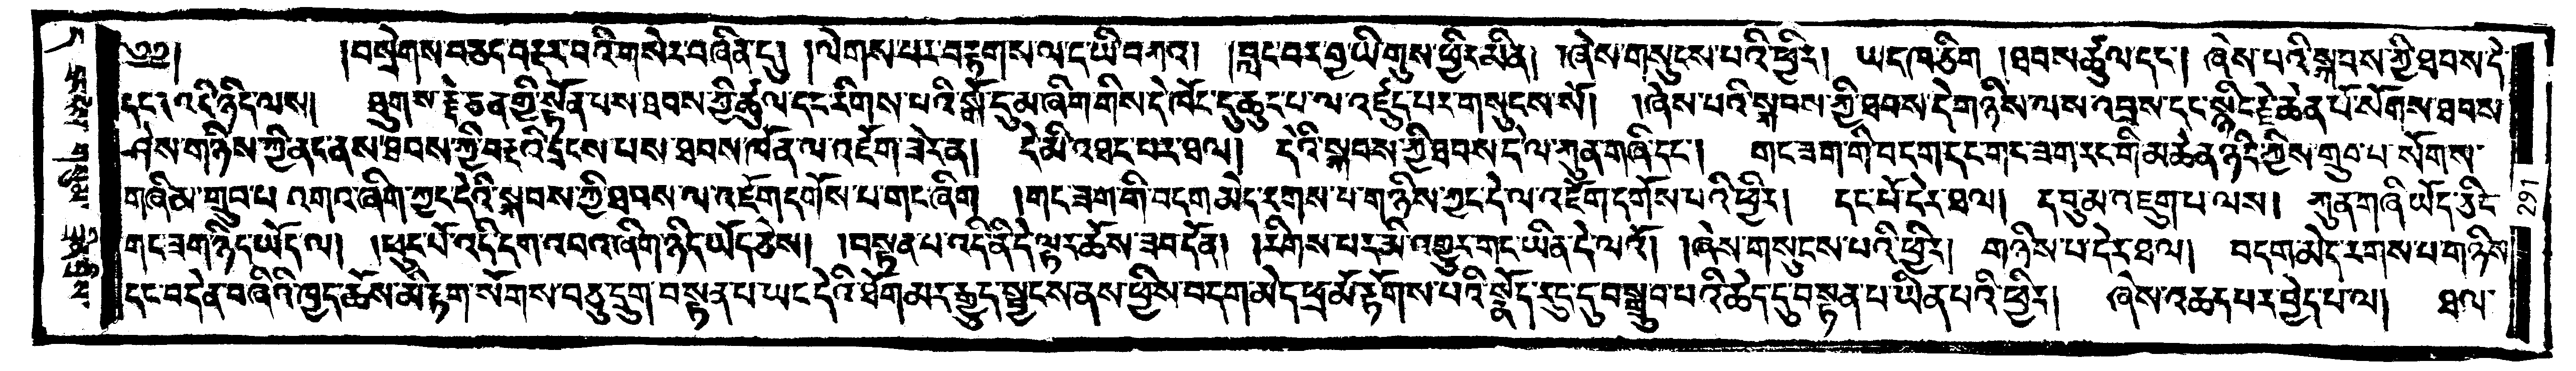༄༅། །བསྲེགས་བཅད་བརྡར་བའི་གསེར་བཞིན་དུ། །ལེགས་པར་བརྟགས་ལ་ང་ཡི་བཀའ། །བླང་བར་བྱ་ཡི་གུས་ཕྱིར་མིན། །ཞེས་གསུངས་པའི་ཕྱིར། ཡང་ཁ་ཅིག །ཐབས་ཚུལ་དང་། ཞེས་པའི་སྐབས་ཀྱི་ཐབས་དེ་
དང༑ འདི་ཉིད་ལས། ཐུགས་རྗེ་ཅན་གྱི་སྟོན་པས་ཐབས་ཀྱི་ཚུལ་དང་རིགས་པའི་སྒོ་དུ་མ་ཞིག་གིས་དེ་ཁོང་དུ་ཆུད་པ་ལ་འཛུད་པར་གསུངས་སོ། །ཞེས་པའི་སྐབས་ཀྱི་ཐབས་དེ་གཉིས་ལས་འབྲས་དང་སྙིང་རྗེ་ཆེན་པོ་སོགས་ཐབས་
ཤེས་གཉིས་ཀྱི་ནང་ནས་ཐབས་ཀྱི་བརྡའི་དྲངས་པས་ཐབས་ཁོ་ན་ལ་འཇོག་ཟེར་ན། དེ་མི་འཐད་པར་ཐལ། དེའི་སྐབས་ཀྱི་ཐབས་དེ་ལ་ཀུན་གཞི་དང་། གང་ཟག་གི་བདག་དང་གང་ཟག་རང་གི་མཚན་ཉིད་ཀྱིས་གྲུབ་པ་སོགས་
གཞི་མ་གྲུབ་པ་འགའ་ཞིག་ཀྱང་དེའི་སྐབས་ཀྱི་ཐབས་ལ་འཇོག་དགོས་པ་གང་ཞིག །གང་ཟག་གི་བདག་མེད་རགས་པ་གཉིས་ཀྱང་དེ་ལ་འཇོག་དགོས་པའི་ཕྱིར། དང་པོ་དེར་ཐལ། དབུ་མ་འཇུག་པ་ལས། ཀུན་གཞི་ཡོད་ཅིང་
གང་ཟག་ཉིད་ཡོད་ལ། །ཕུང་པོ་འདི་དག་འབའ་ཞིག་ཉིད་ཡོད་ཅེས། །བསྟན་པ་འདི་ནི་དེ་ལྟར་ཆོས་ཟབ་དོན། །རིགས་པར་མི་འགྱུར་གང་ཡིན་དེ་ལའོ། །ཞེས་གསུངས་པའི་ཕྱིར། གཉིས་པ་དེར་ཐལ། བདག་མེད་རགས་པ་གཉིས་
དང་བདེན་བཞིའི་ཁྱད་ཆོས་མི་རྟག་སོགས་བཅུ་དྲུག་བསྟན་པ་ཡང་དེའི་ཐོག་མར་རྒྱུད་སྦྱངས་ནས་ཕྱིས་བདག་མེད་ཕྲ་མོ་རྟོགས་པའི་སྣོད་རུང་དུ་བསྒྲུབ་པའི་ཆེད་དུ་བསྟན་པ་ཡིན་པའི་ཕྱིར། ཞེས་འཆད་པར་བྱེད་པ་ལ། ཐལ་